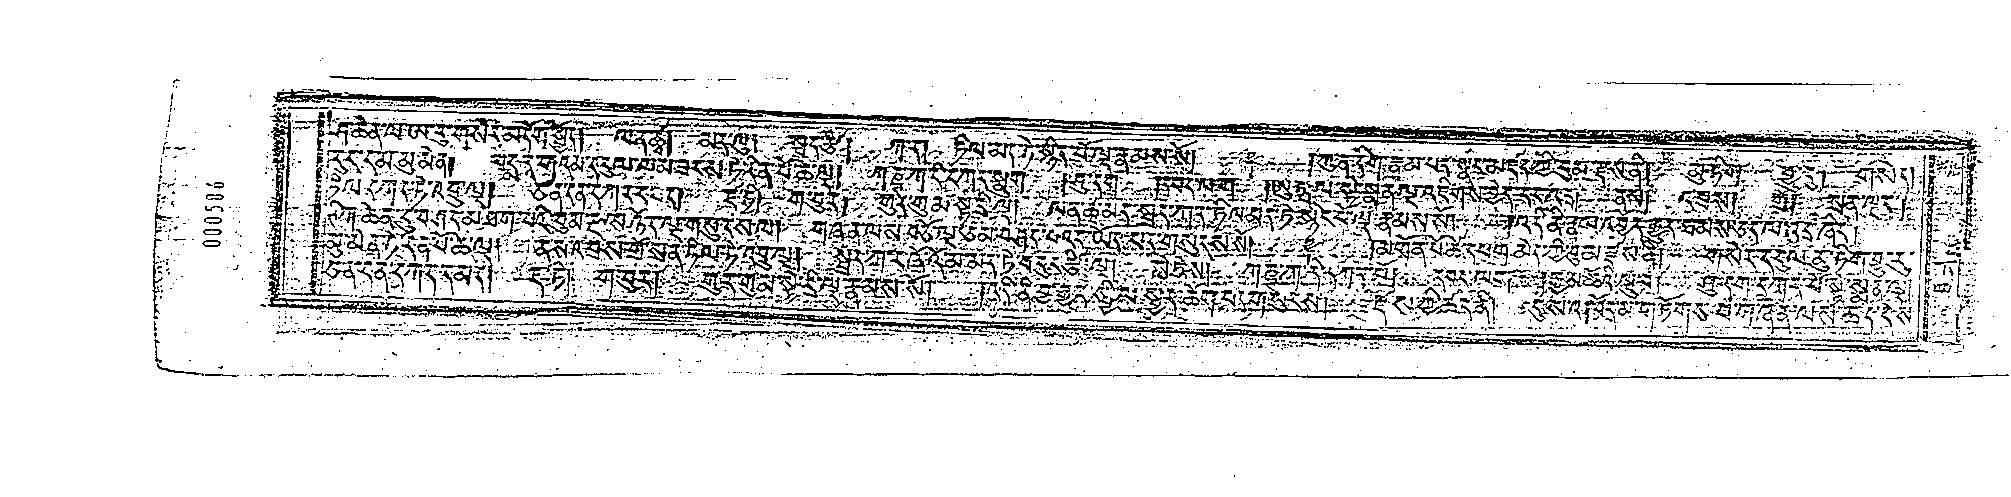ཤ་ཆེན་ལ་ཨ་རུ་གསེར་མདོག་སྦྱོར། ལན་ཚྭ། མར་ཁུ། སྦྲང་རྩི། ཀ་ར། ཏིལ་མར་ཏེ་སྙིང་པོ་ལྔ་རྣམས་སོ། ༈ །ཀུན་རིག་རྣམ་པར་སྣང་མཛད་ཀྱི་བུམ་རྫས་ནི། མུ་ཏིག་བྱུ་རུ། གསེར།
དུང་དམ་མུ་མེན། པདམ་རཱ་གའམ་དངུལ་ལམ་ཟངས་ཏེ་རིན་པོ་ཆེ་ལྔ། ཀཎྚ་ཀ་རི་དཀར་སྨུག །ཤུ་དག །དབང་ལག །ཨུཏྤལ་སྟེ་སྨན་ལྔ་འཇིགས་བྱེད་དང་འདྲ། ནས། འབྲས། གྲོ། སྲན་ལྔར།
ཏིལ་དཀར་ཏེ་འབྲུ་ལྔ། ཙན་དན་དཀར་དམར། ཛ་ཏི། ག་བུར། གུར་གུམ་སྟེ་དྲི་ལྔ། ལན་ཚྭ་མར་སྦྲང་ཀ་ར་ཏིལ་མར་ཏེ་སྙིང་པོ་ལྔ་རྣམས་སོ། །འདི་ནི་རྣལ་འབྱོར་རྒྱུད་ཐམས་ཅད་ལ་འདྲ་ཞིང་།
ཊིཀ་ཆེན་དུ་བཤད་མ་ཐག་པའི་བུམ་རྫས་ཉོར་ལྔ་གསུངས་ལ། གཞན་ལས་བཅོ་ལྔ་ཙམ་བཤད་པའང་ཡོད་པར་གསུངས་སོ། ༈ །མགོན་པོ་ཚེ་དཔག་མེད་ཀྱི་བུམ་རྫས་ནི། གསེར་དངུལ་མུ་ཏིག་བྱུ་རུ་
མུ་མེན་ཏེ་རིན་པོ་ཆེ་ལྔ། ནས་འབྲས་གྲོ་སྲན་ཏིལ་ཏེ་འབྲུ་ལྔ། སྦྲང་ཀ་ར་ཞོ་འོ་མ་མར་ཏེ་བདུད་རྩི་ལྔ། སླེ་ཏྲེས། ཀཎྚ་ཀ་རེ་དཀར་པོ། དབང་ལག །རྒྱ་མཚོའི་ལྦུ་བ། ཤུ་དག་དཀར་པོ་སྟེ་སྨན་ལྔ།
ཙན་དན་དཀར་དམར། ཛ་ཏི། ག་བུར། གུར་གུམ་སྟེ་དྲི་ལྔ་རྣམས་སོ། །འདི་ནི་བྱ་རྒྱུད་སྤྱིལ་སྦྱར་ཆོག་པར་གསུངས། རྫས་ཀྱི་ཚད་ནི། དུས་འཁོར་མ་གཏོགས་བ་གཞན་ལས་ཆད་དེས་